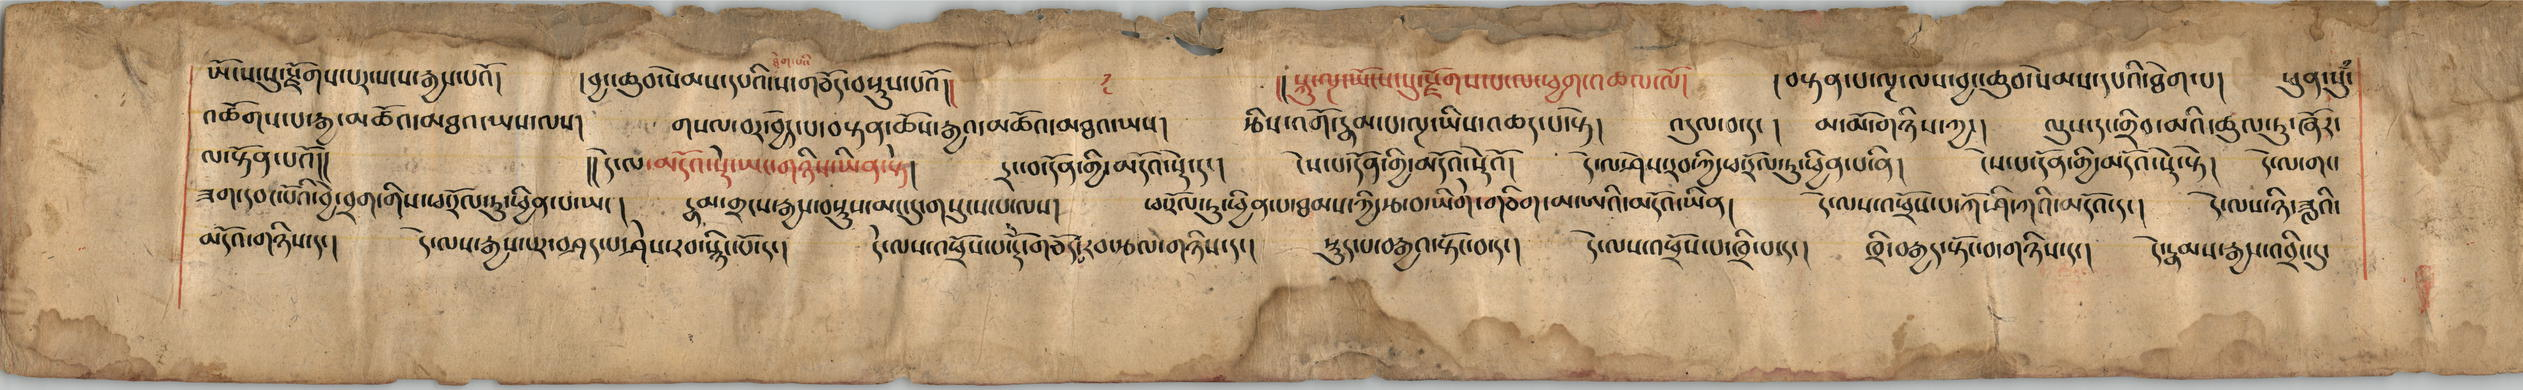ཡོངས་སུ་སྫོགས་པར་སངས་རྒྱས་པའོ། །བྱང་ཆུབ་སེམས་དཔའི་ས་གཅོད་བསྡུས་པའོ།། །།སྐུ་ལྔ་ཡོངས་སུ་སྫོགས་པ་ལ་ཕྱག་འཚལ་ལོ། །བསྟན་པ་ལྔ་ལས་བྱང་ཆུབ་སེམས་དཔའི་ཐེག་པ། ཕུན་སུཾ་
འཚོགས་པ་རྒྱ་མཚོའ་མཐའ་ཡས་ལས། གསལ་བར་བྱེད་པ་བསྟན་ཆོས་རྒྱའ་མཚོའ་མཐའ་ཡས། རྩིས་འགོ་རྣམ་པ་ལྔ་ཡིས་འཆད་པ་སྟེ། འདུལ་བ་དང ། མ་མ་ོགཉིས་ཀྱང། ལུས་དང་གྲིབ་མའི་ཚུལ་ཏུ་ཞོར་
ལ་སྟོན་པའོ།། །།དེ་ལ་མདོའ་སྡེ་ཡང་གཉིས་ཡིན་སྟེ། དྲང་བ་དོན་གྱི་མདོའ་སྡེ་དང། ངེས་པ་དོན་གྱི་མདོའ་སྡེའོ། དེ་ལ་ཤེས་རབ་ཀྱི་ཕ་རོལ་ཏུ་ཕྱིན་པ་ནི། ངེས་པ་དོན་གྱི་མདོའ་སྡེ་སྟེ། དེ་ལ་གང་
ཟག་དབང་པོའི་བྱེ་བྲག་གིས་ཕ་རོལ་ཏུ་ཕྱིན་པ་ཡང། རྣམ་གྲངས་རྒྱས་བསྡུས་མང་དུ་གསུངས་པ་ལས། ཕ་རོལ་ཏུ་ཕྱིན་པ་ཐམས་ཀྱི་རྩ་བ་ཡིག་གཅིག་མ་ཨའི་མདོའ་ཡིན། དེ་ལས་འཕྲོས་པ་ཀོ་ཤི་ཀའི་མདོའ་དང། དེ་ལས་ཉི་ཟླའི་
མདོའ་གཉིས་དང ། དེ་ལས་རྒྱས་པར་བཤད་པ་ཤེས་རབ་སྙིང་པོ་དང། དེ་ལས་འཕྲོས་པ་རྡོ་རྗེ་གཅོད་རབ་རྩལ་གཉིས་དང། སྡུད་པ་བརྒྱའ་སྟོང་བ་དང། དེ་ལས་འཕྲོས་པ་ཁྲི་པ་དང ། ཁྲི་བརྒྱས་སྟོང་བ་གཉིས་དང། དེ་རྣམས་རྒྱས་འབྲིང་དུ་